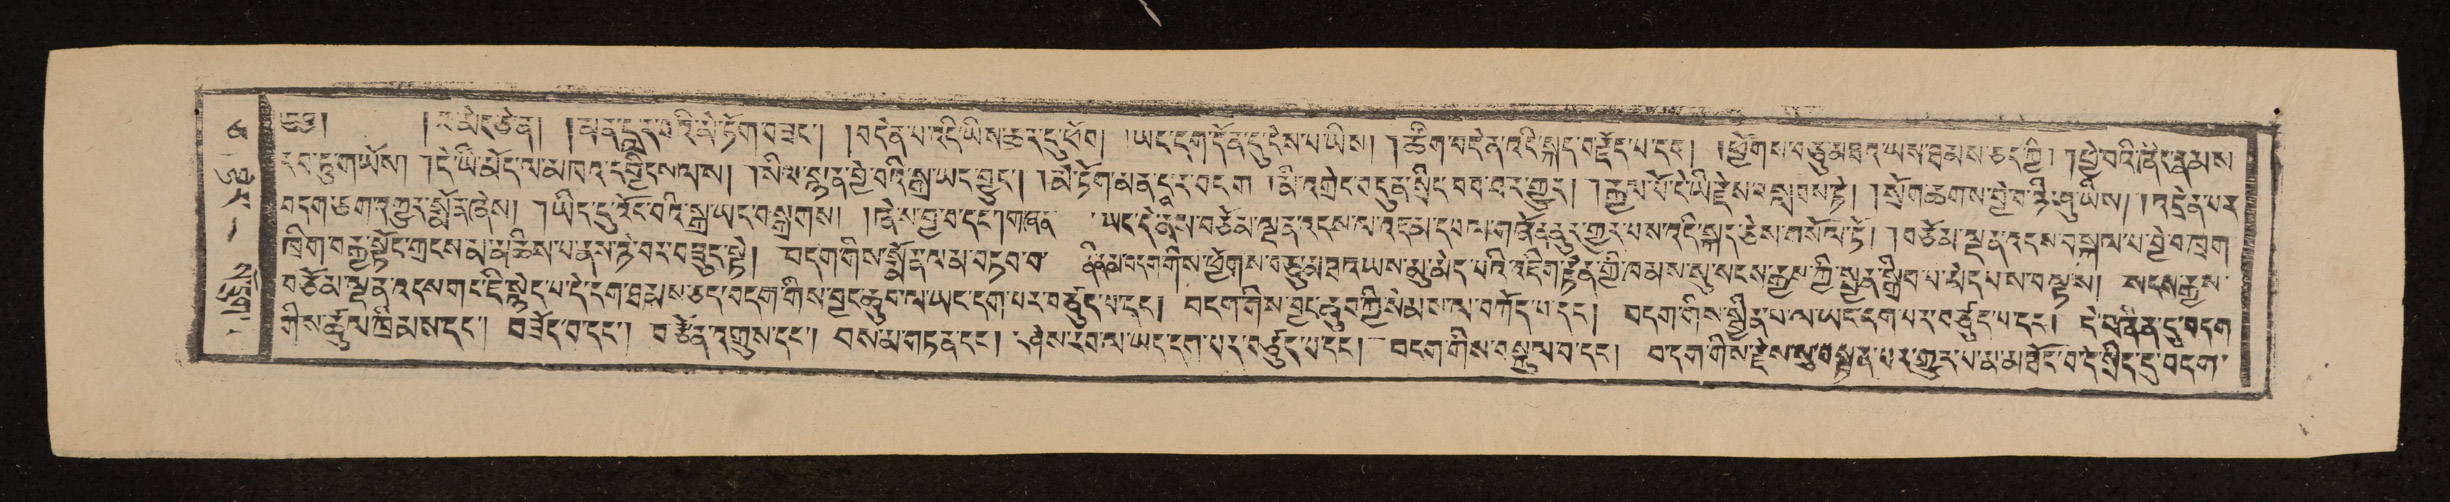༄༅། །བ་མེད་ཅེ་ན། །མན་དཱར་བའི་མེ་ཏོག་བཟང་། །བདེན་པ་འདི་ཡིས་ཆར་དུ་ཕོབ། །ཡང་དག་དོན་དུ་ངེས་པ་ཡིས། །ཚིག་བདེན་འདི་སྐད་བརྗོད་པ་དང་། །ཕྱོགས་བཅུ་མཐའ་ཡས་ཐམས་ཅད་ཀྱི། །བྱེ་བའི་ཞིང་རྣམས་
རབ་ཏུ་གཡོས། །དེ་ཡི་མོད་ལ་མཁའ་དབྱིངས་ལས། །སིལ་སྙན་བྱེ་བའི་སྒྲ་ཡང་བྱུང་། །མེ་ཏོག་མན་དཱ་ར་བ་དག །མི་འགྲེང་བདུན་སྲིད་བབ་པར་གྱུར། །རྒྱལ་པོ་དེ་ཡི་རྗེས་བསླབས་ཏེ། །སྲོག་ཆགས་བྱེ་བ་ཉི་ཤུ་ཡིས། །འདྲེན་པར་
བདག་ཅག་འགྱུར་སྨོན་ཞེས། །ཡིད་དུ་འོང་པའི་སྒྲ་ཡང་བསྒྲགས། །ཞེས་བྱ་བ་དང་། གཞན་ཡང་དེ་ནས་བཅོམ་ལྡན་འདས་ལ་འཇམ་དཔལ་གཞོན་ནུར་གྱུར་པས་འདི་སྐད་ཅེས་གསོལ་ཏོ། །བཅོམ་ལྡན་འདས་བསྐལ་པ་བྱེ་བ་ཁྲག་
ཁྲིག་བརྒྱ་སྟོང་གྲངས་མ་མཆིས་པ་ནས་ཉེ་བར་བཟུང་སྟེ། བདག་གིས་སྨོན་ལམ་བཏབ་པ་ནི་ནམ་བདག་གིས་ཕྱོགས་བཅུ་མཐའ་ཡས་མུ་མེད་པའི་འཇིག་རྟེན་གྱི་ཁམས་སུ་སངས་རྒྱས་ཀྱི་སྤྱན་སྒྲིབ་པ་མེད་པས་བལྟས། སངས་རྒྱས་
བཅོམ་ལྡན་འདས་གང་ཇི་སྙེད་པ་དེ་དག་ཐམས་ཅད་བདག་གིས་བྱང་ཆུབ་ལ་ཡང་དག་པར་བཙུད་པ་དང་། བདག་གིས་བྱང་ཆུབ་ཀྱི་སེམས་ལ་བཀོད་པ་དང་། བདག་གིས་སྤྱིན་པ་ལ་ཡང་དག་པར་བཙུད་པ་དང་། དེ་བཞིན་དུ་བདག་
གིས་ཚུལ་ཁྲིམས་དང་། བཟོད་པ་དང་། བརྩོན་འགྲུས་དང་། བསམ་གཏན་དང་། ཤེས་རབ་ལ་ཡང་དག་པར་བཙུད་པ་དང་། བདག་གིས་བསྐུལ་བ་དང་། བདག་གིས་རྗེས་སུ་བསྟན་པར་གྱུར་པ་མ་མཐོང་བ་དེ་སྲིད་དུ་བདག་